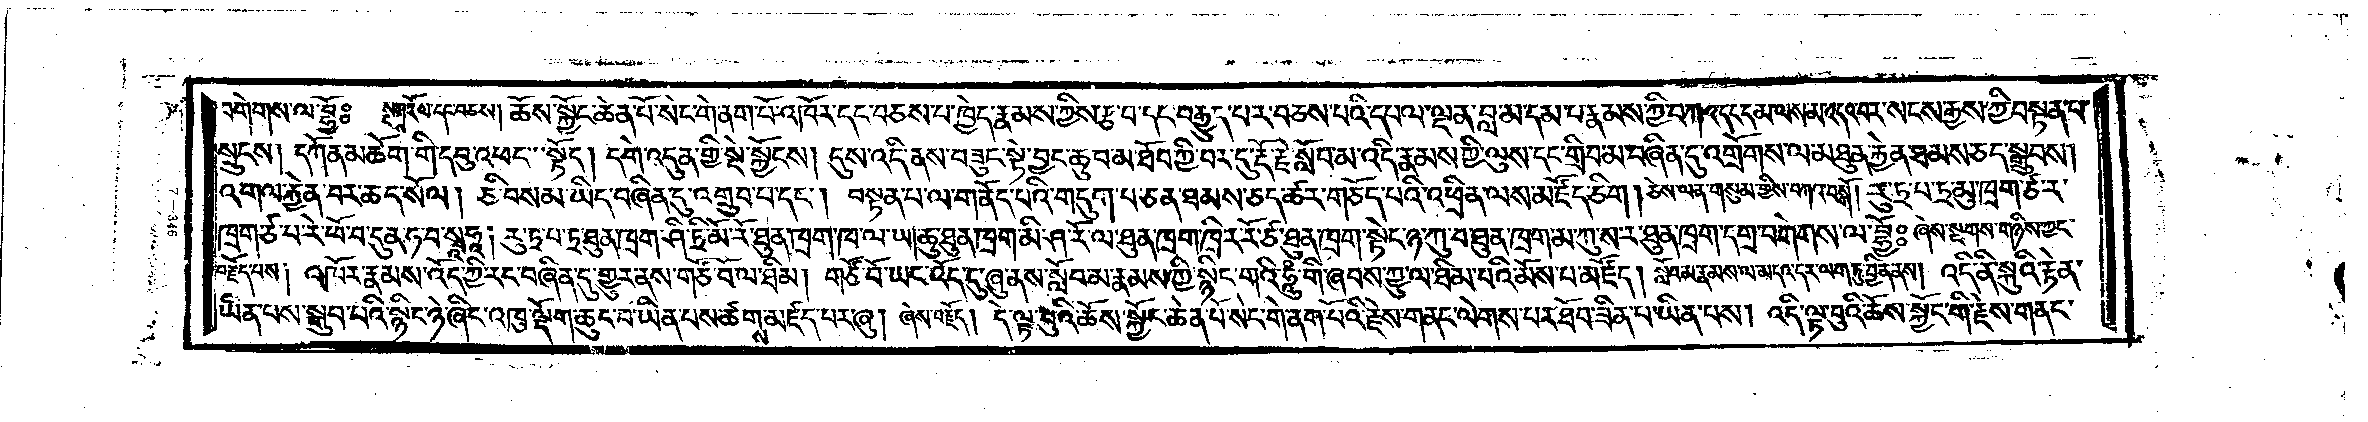བགེགས་ལ་བྷྱོཿ སྔགས་རོལ་དང་བཅས། ཆོས་སྐྱོང་ཆེན་པོ་སེང་གེ་ནག་པོ་འཁོར་དང་བཅས་པ་ཁྱེད་རྣམས་ཀྱིས་རྩ་བ་དང་བརྒྱུད་པར་བཅས་པའི་དཔལ་ལྡན་བླ་མ་དམ་པ་རྣམས་ཀྱི་བཀའ་དང་དམ་ལས་མ་འདའ་བར་སངས་རྒྱས་ཀྱི་བསྟན་པ་
སྲུངས། དཀོན་མཆོག་གི་དབུ་འཕང་སྟོད། དགེ་འདུན་གྱི་སྡེ་སྐྱོངས། དུས་འདི་ནས་བཟུང་སྟེ་བྱང་ཆུབ་མ་ཐོབ་ཀྱཻ་བར་དུ་རྡོ་རྗེ་སློབ་མ་འདི་རྣམས་ཀྱི་ལུས་དང་གྲིབ་མ་བཞིན་དུ་འགྲོགས་ལ་མཐུན་རྐྱེན་ཐམས་ཅད་སྒྲུབས།
འགལ་རྐྱེན་བར་ཆད་སོལ། ཅི་བསམ་ཡིད་བཞིན་དུ་འགྲུབ་པ་དང་། བསྟན་པ་ལ་གནོད་པའི་གདུག་པ་ཅན་ཐམས་ཅད་ཚར་གཅོད་པའི་འཕྲིན་ལས་མཛོད་ཅིག་།ཅེས་ལན་གསུམ་གྱིས་བཀའ་བསྒོ།  རུ་ཏྲ་པ་ཏྲ་མུ་ཁྲག་ཙ་ར་
ཁྲག་ཙ་པ་རེ་ཕོ་བ་དུན་ཧ་བ་སྭཱཧཱ། རུ་ཏྲ་པ་ཏྲ་ཐུན་ཁྲག་ཤི་ཏྲི་མོ་རོ་ཐུན་ཁྲག་ཁ་ལ་ཡ། ཆུ་ཐུན་ཁྲག་མི་ཤ་རོ་ལ་ཐུན་ཁྲག་ཁྲིར་རོ་ཙ་ཐུན་ཁྲག་སྟེང་ཉ་ཀུ་བ་ཐུན་ཁྲག་མ་ཀུ་ས་ར་ཐུན་ཁྲག་དགྲ་བགེགས་ལ་བྷྱོཿཞེས་སྔགས་གཉིས་ཀྱང་
བརྗོད་པས། འཁོར་རྣམས་འོད་ཀྱི་རང་བཞིན་དུ་གྱུར་ནས་གཙོ་བོ་ལ་ཐིམ། གཙོ་བོ་ཡང་འོད་དུ་ཞུ་ནས་སློབ་མ་རྣམས་ཀྱི་སྙིང་གའི་ཧཱུཾ་གི་ཞབས་ཀྱུ་ལ་ཐིམ་པའི་མོས་པ་མཛོད། སློབ་མ་རྣམས་ལ་མདའ་དར་ལག་ཏུ་བྱིན་ནས།  འདི་ནི་སྐུའི་རྟེན་
ཡིན་པས་སྒྲུབ་པའི་སྙིང་ཉེ་ཤེང་འཁུ་ལྡོག་ཆུང་བ་ཡིན་པས་ཚགས་མཛད་པར་ཞུ། ཞེས་བརྗོད།  དེ་ལྟ་བུའི་ཆོས་སྐྱོང་ཆེན་པོ་སེང་གེ་ནག་པོའི་རྗེས་གནང་ལེགས་པར་ཐོབ་ཟིན་པ་ཡིན་པས། འདི་ལྟ་བུའི་ཆོས་སྐྱོང་གི་རྗེས་གནང་